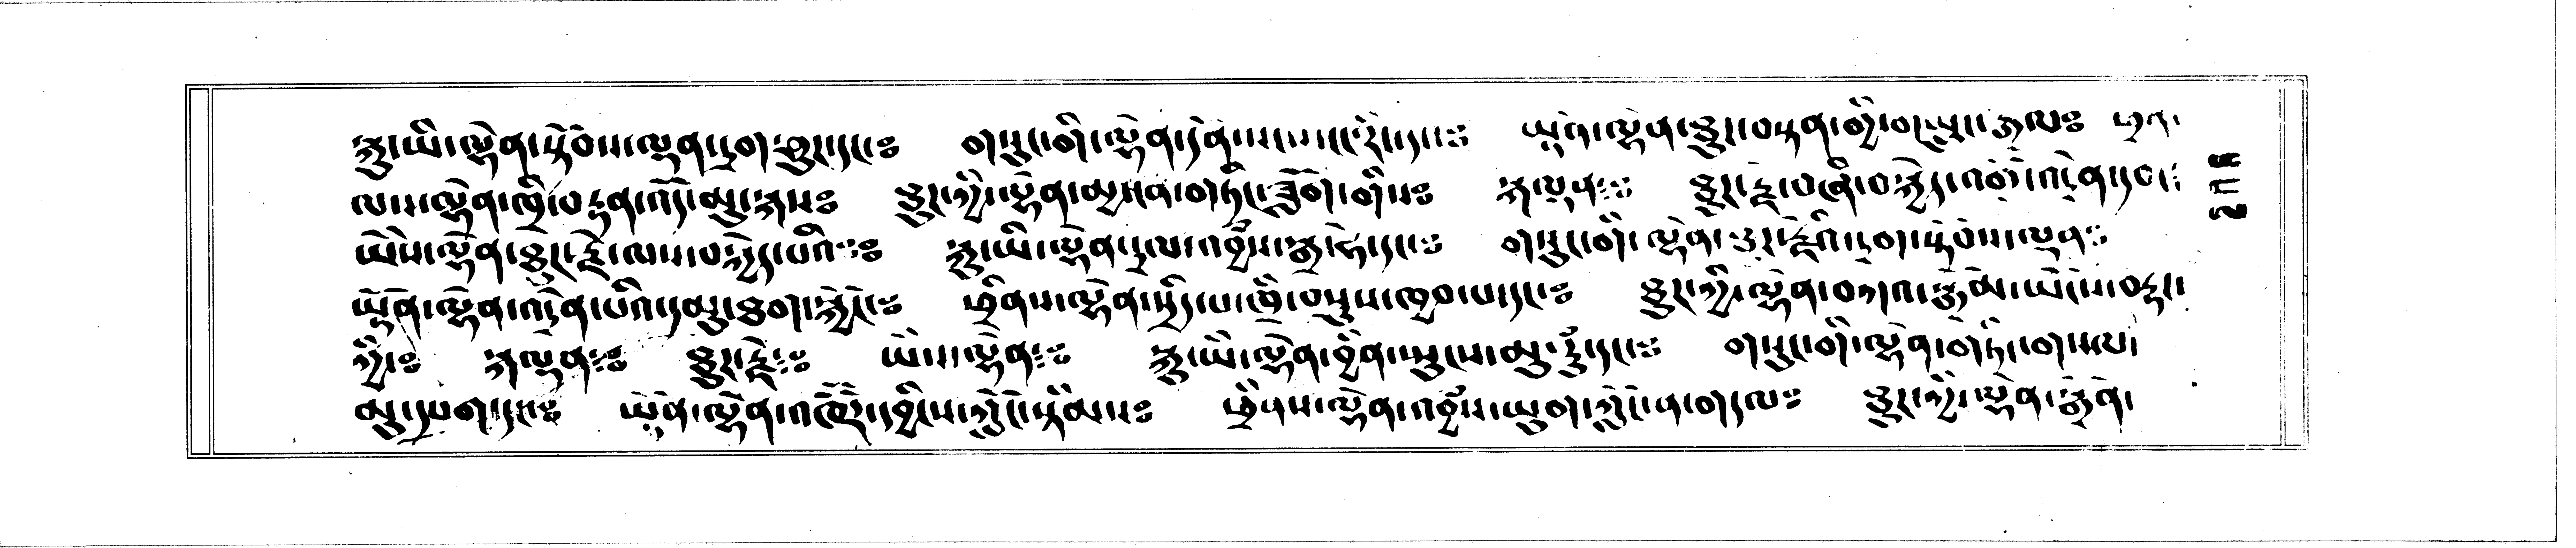སྐུ་ཡི་ལྷ་ཆེན་སྟོབས་ལྡན་དྲག་ཤུགས་དངཿ གསུང་གི་ལྷ་ཆེན་དོན་གསང་ངང་རིང་དངཿ ཡོན་ཏན་གྱི་ལྷ་ཆེན་ཐུགས་བསྟན་གཡུང་དྲུང་རྒྱལཿ ཕྲིན་
ལས་ལྷ་ཆེན་ཁྲི་བརྟན་འོད་མུ་སྐསཿ ཐུགས་ཀྱི་ལྷ་ཆེན་མྱ་ངན་གཏིང་ཟློག་གིསཿ སྐལ་ལྡན་སློབ་མ་རྣམས་ལ་དབང་བསྐུར་བསཿ ཐུགས་རྗེ་གཟི་བརྗིད་འགྲོ་འདྲེན་དབང་ཐོབ་ཤོགཿ 
ཡེ་ཤེས་ལྷ་ཆེན་ཐུགས་རྗེ་ལས་བསྐྱེད་པའིཿ སྐུ་ཡི་ལྷ་ཆེན་དྲལ་འབྱམས་སྒྲ་ཧེ་དངཿ གསུང་གི་ལྷ་ཆེན་ཐུགས་རྗེའི་དྲག་སྟོབས་ལྡན་དངཿ 
ཡོན་ཏན་གྱི་ལྷ་ཆེན་འདྲེན་པའི་དམུ་ཐག་སྐྱོང་དངཿ ཕྲིན་ལས་ལྷ་ཆེན་སྲིད་པ་ཁྲི་བསྡུས་ཁྱབ་པ་དངཿ ཐུགས་ཀྱི་ལྷ་ཆེན་བཀའ་སྒྲོམ་ཡོངས་བརྟགས་
ཀྱིསཿ སྐལ་ལྡན་སློབ་མ་རྣམས་ལ་དབང་བསྐུར་བསཿ ཐུགས་རྗེ་གཟི་བརྗིད་འགྲོ་འདྲེན་དབང་ཐོབ་ཤོགཿ ཡེ་ཤེས་ལྷ་ཆེན་ཐུགས་རྗེ་ལས་བསྐྱེད་པའིཿ སྐུ་ཡི་ལྷ་ཆེན་བྱི་སྤུངས་མུ་རུམ་དངཿ གསུང་གི་ལྷ་ཆེན་གཏིང་གསལ་
མུ་དཔག་དངཿ ཡོན་ཏན་གྱི་ལྷ་ཆེན་འཁོར་ལོ་དབྱིངས་ཀློང་བསྟིམཿ ཕྲིན་ལས་ལྷ་ཆེན་འབྱམས་ཡུག་ཀློང་ན་བདལཿ ཐུགས་ཀྱི་ལྷ་ཆེན་སྒྲོན་